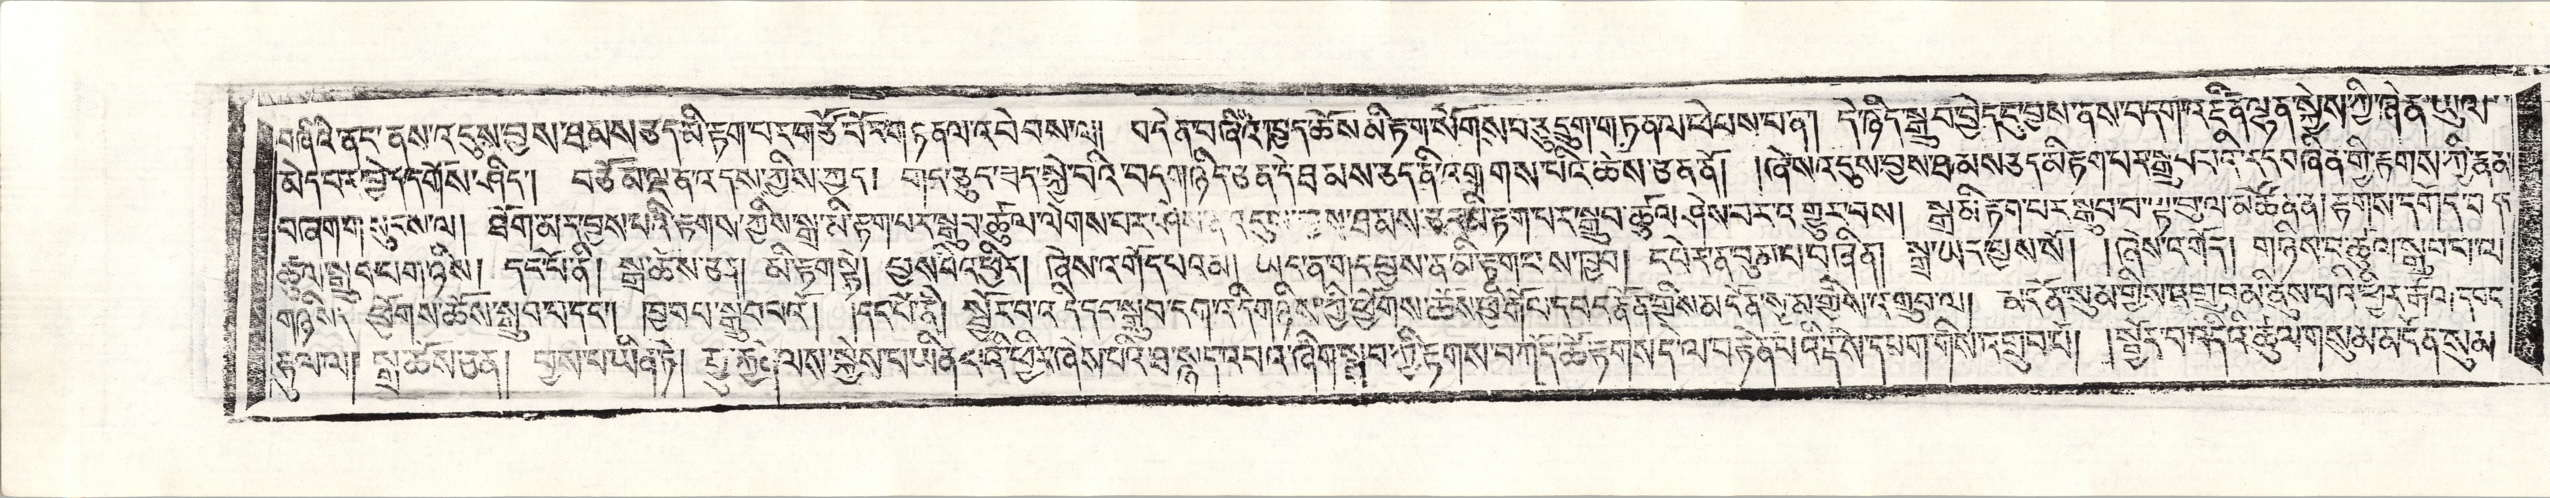བཞིའི་ནང་ནས་འདུས་བྱས་ཐམས་ཅད་མི་རྟག་པར་གཙོ་བོར་གཏན་ལ་འབེབས་ལ། བདེན་བཞིའི་ཁྱད་ཆོས་མི་རྟག་སོགས་བཅུ་དྲུག་གཏན་ལ་ཕབ་པ་ན། དེ་ཉིད་སྒྲུབ་བྱེད་དུ་བྱས་ནས་བདག་འཛིན་ལྷན་སྐྱེས་ཀྱི་ཞེན་ཡུལ་
མེད་པར་བྱེད་དགོས་ཤིང་། བཅོམ་ལྡན་འདས་ཀྱིས་ཀྱང་། གང་ཅུང་ཟད་སྐྱེ་བའི་བདག་ཉིད་ཅན་དེ་ཐམས་ཅད་ནི་འགགས་པའི་ཆོས་ཅན་ནོ། །ཞེས་འདུས་བྱས་ཐམས་ཅད་མི་རྟག་པར་སྒྲུབ་པའི་རང་བཞིན་གྱི་རྟགས་ཀྱི་རྣམ་
བཞག་གསུངས་ལ། ཐོག་མར་བྱས་པའི་རྟགས་ཀྱིས་སྒྲ་མི་རྟག་པར་སྒྲུབ་ཚུལ་ལེགས་པར་ཤེས་ན་འདུས་བྱས་ཐམས་ཅད་མི་རྟག་པར་སྒྲུབ་ཚུལ་ཤེས་པར་འགྱུར་བས། སྒྲ་མི་རྟག་པར་སྒྲུབ་པ་ལྟ་བུ་ལ་མཚོན་ན། རྟགས་འགོད་པ་དང་།
ཚུལ་སྒྲུབ་པ་གཉིས། དང་པོ་ནི། སྒྲ་ཆོས་ཅན། མི་རྟག་སྟེ། བྱས་པའི་ཕྱིར། ཞེས་འགོད་པའམ། ཡང་ན་གང་བྱས་ན་མི་རྟག་པས་ཁྱབ། དཔེར་ན་བུམ་པ་བཞིན། སྒྲ་ཡང་བྱས་སོ། །ཞེས་འགོད། གཉིས་པ་ཚུལ་སྒྲུབ་པ་ལ་
གཉིས་ཕྱོགས་ཆོས་སྒྲུབ་པ་དང་། ཁྱབ་པ་སྒྲུབ་པའོ། །དང་པོ་ནི། སྦྱོར་བ་འདི་དང་སྒྲུབ་ངག་འདི་གཉིས་ཀྱི་ཕྱོགས་ཆོས་ཕྱི་རྒོལ་དབང་རྣོན་གྱིས་མངོན་སུམ་གྱིས་འགྲུབ་ལ། མངོན་སུམ་གྱིས་འགྲུབ་མི་ནུས་པའི་ཕྱིར་རྒོལ་དབང་
རྟུལ་ལ། སྒྲ་ཆོས་ཅན། བྱས་པ་ཡིན་ཏེ། རྒྱུ་རྐྱེན་ལས་སྐྱེས་པ་ཡིན་པའི་ཕྱིར་ཞེས་པའི་ཐ་སྙད་འབའ་ཞིག་སྒྲུབ་ཀྱི་རྟགས་བཀོད་ཚེ་རྟགས་དེ་ལ་བརྟེན་པའི་རྗེས་དཔག་གིས་འགྲུབ་པོ། །སྦྱོར་བ་འདིའི་ཚུལ་གསུམ་མངོན་སུམ་